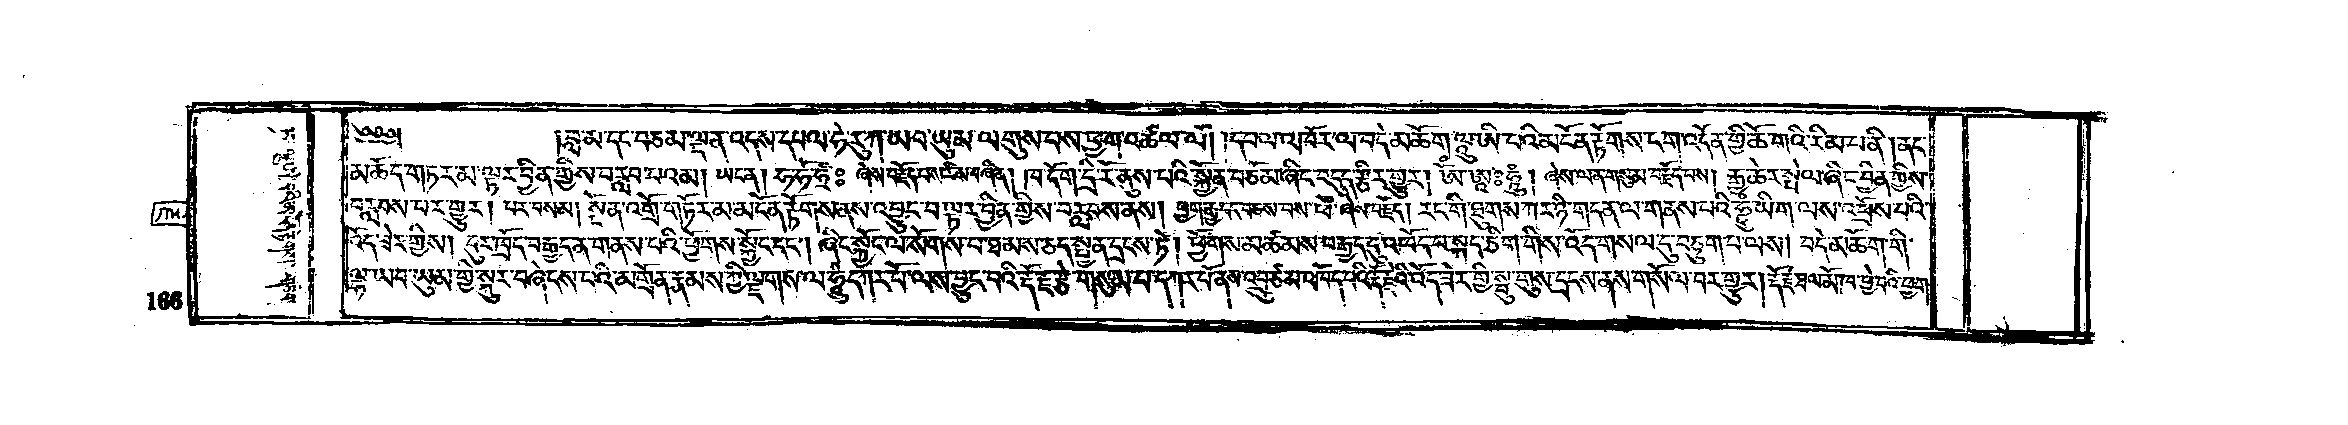༄༅། །བླ་མ་དང་བཅོམ་ལྡན་འདས་དཔལ་ཧ་རུ་ཀ་ཡབ་ཡུམ་ལ་གུས་པས་ཕྱག་འཚལ་ལོ། །དཔལ་འཁོར་ལོ་བདེ་མཆོག་ལཱུ་ཨི་པའི་མངོན་རྟོགས་ངག་འདོན་གྱི་ཆོ་གའི་རིམ་པ་ནི། ནང་
མཆོད་གཏོར་མ་ལྟར་བྱིན་གྱིས་བརླབ་པའམ། ཡང་ན། ཧ་ཧོ་ཧྲིཿ ཞེས་བརྗོད་པས་རིམ་བཞིན།  ཁ་དོག་དྲི་རོ་ནུས་པའི་སྐྱོན་བཅོམ་ཞིང་བདུད་རྩིར་གྱུར། ཨོཾ་ཨཱཿ ཧཱུཾ། ཞེས་ལན་གསུམ་བརྗོད་པས།  རྒྱ་ཆེར་སྤེལ་ཞིང་བྱིན་གྱིས་
བརླབས་པར་གྱུར། པར་བསམ།  སྔོན་འགྲོ་གཏོར་མ་མངོན་རྟོགས་ནས་འབྱུང་བ་ལྟར་བྱིན་གྱིས་བརླབས་ནས། ཕྱག་རྒྱ་དང་བཅས་པས་ཕེཾ་ཞེས་བརྗོད།  རང་གི་ཐུགས་ཀར་ཉི་གདན་ལ་གནས་པའི་ཧཱུཾ་ཡིག་ལས་འཕྲོས་པའི་
འོད་ཟེར་གྱིས། དུར་ཁྲོད་བརྒྱད་ན་གནས་པའི་ཕྱོགས་སྐྱོང་དང་། ཞིང་སྐྱོང་ལ་སོགས་པ་ཐམས་ཅད་སྤྱན་དྲངས་ཏེ། ཕྱོགས་མཚམས་བརྒྱད་དུ་འཁོད་པ་སྐད་ཅིག་གིས་འོད་གསལ་དུ་བཅུག་པ་ལས། བདེ་མཆོག་གི་
ལྷ་ཡབ་ཡུམ་གྱི་སྐུར་བཞེངས་པའི་མགྲོན་རྣམས་ཀྱི་ལྗགས་ལ་ཧཱུཾ་དཀར་པོ་ལས་བྱུང་བའི་རྡོ་རྗེ་རྩེ་གསུམ་པ་དཀར་པོ་ནས་འབྲུ་ཙམ་འཁོད་པའི་རྡོ་རྗེའི་འོད་ཟེར་གྱི་སྦུ་གུས་དྲངས་ནས་གསོལ་བར་གྱུར། རྡོ་རྗེ་ཐལ་མོ་ཁ་ཕྱེ་བའི་ཕྱག་